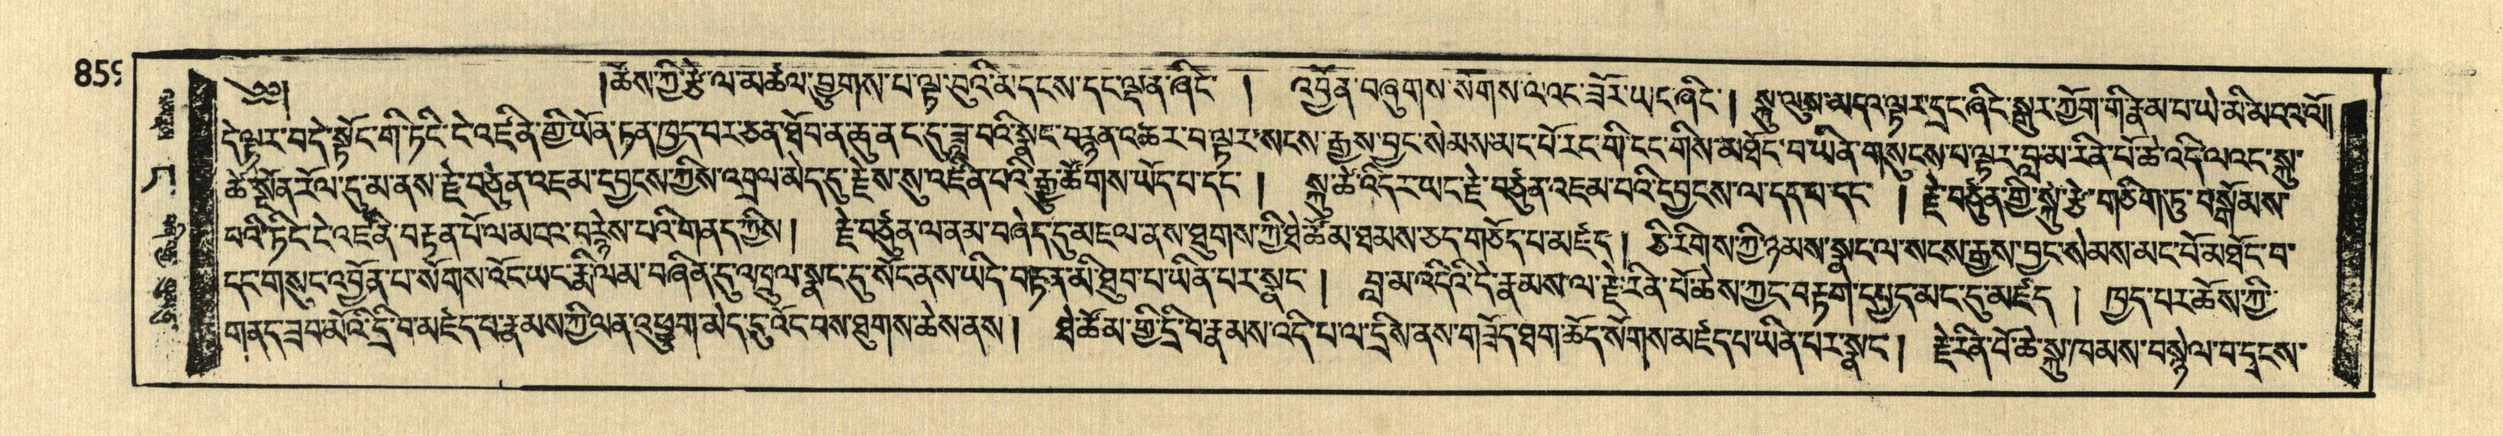༄༅། །ཆོས་ཀྱི་རྩེ་ལ་མཚལ་བྱུགས་པ་ལྟ་བུའི་མདངས་དང་ལྡན་ཞིང་། འབྱོན་བཞུགས་སོགས་ལའང་ཟོར་ཡང་ཞིང་། སྐུ་ལུས་མདའ་ལྟར་དྲང་ཞིང་སྒུར་ཀྱོག་གི་རྣམ་པ་ཡེ་མི་མངའ་འོ།།
དེ་ལྟར་བདེ་སྟོང་གི་ཏིང་ངེ་འཛིན་གྱི་ཡོན་ཏན་ཁྱད་པར་ཅན་ཐོབ་ན་ཆུ་ནང་དུ་ཟླ་བའི་སྣང་བརྙན་འཆར་བ་ལྟར་སངས་རྒྱས་བྱང་སེམས་མང་པོ་རང་གི་ངང་གིས་མཐོང་བ་ཡིན་གསུངས་པ་ལྟར་བླ་མ་རིན་པོ་ཆེ་འདི་ལའང་སྐུ་
ཚེ་སྔོན་རོལ་དུ་མ་ནས་རྗེ་བཙུན་འཇམ་དབྱངས་ཀྱིས་འབྲལ་མེད་དུ་རྗེས་སུ་འཛིན་པའི་རྒྱུ་ཚོགས་ཡོད་པ་དང་། སྐུ་ཚེ་འདིར་ཡང་རྗེ་བཙུན་འཇམ་པའི་དབྱངས་ལ་དད་པ་དང་། རྗེ་བཙུན་གྱི་སྐུ་རྩེ་གཅིག་ཏུ་བསྒོམས་
པའི་ཏིང་ངེ་འཛིན་བརྟན་པོ་ལ་མངའ་བརྙེས་པའི་གནད་ཀྱིས། རྗེ་བཙུན་ལ་ནམ་བཞེད་དུ་མཇལ་ནས་ཐུགས་ཀྱི་ཐེ་ཚོམ་ཐམས་ཅད་གཅོད་པ་མཛད། ཅི་རིགས་ཀྱི་ཉམས་སྣང་ལ་སངས་རྒྱས་བྱང་སེམས་མང་པོ་མཐོང་བ་
དང་གསུང་འབྱོན་པ་སོགས་འོང་ཡང་རྨི་ལམ་བཞིན་དུ་འཁྲུལ་སྣང་དུ་སོང་ནས་ཡིད་བརྟན་མི་ཐུབ་པ་ཡིན་པར་སྣང་། བླ་མ་འདིའི་དེ་རྣམས་ལ་རྗེ་རིན་པོ་ཆེས་ཀྱང་བརྟག་དཔྱད་མང་དུ་མཛད། ཁྱད་པར་ཆོས་ཀྱི་
གནད་ཟབ་མོའི་དྲི་བ་མཛད་པ་རྣམས་ཀྱི་ལན་འཕྱུག་མེད་དུ་འོང་བས་ཐུགས་ཆེས་ནས། ཐེ་ཚོམ་གྱི་དྲི་བ་རྣམས་འདི་པ་ལ་དྲིས་ནས་གཟོད་ཐག་ཆོད་སོགས་མཛད་པ་ཡིན་པར་སྣང་། རྗེ་རིན་པོ་ཆེ་སྐུ་ཁམས་བསྙེལ་བ་དྭངས་